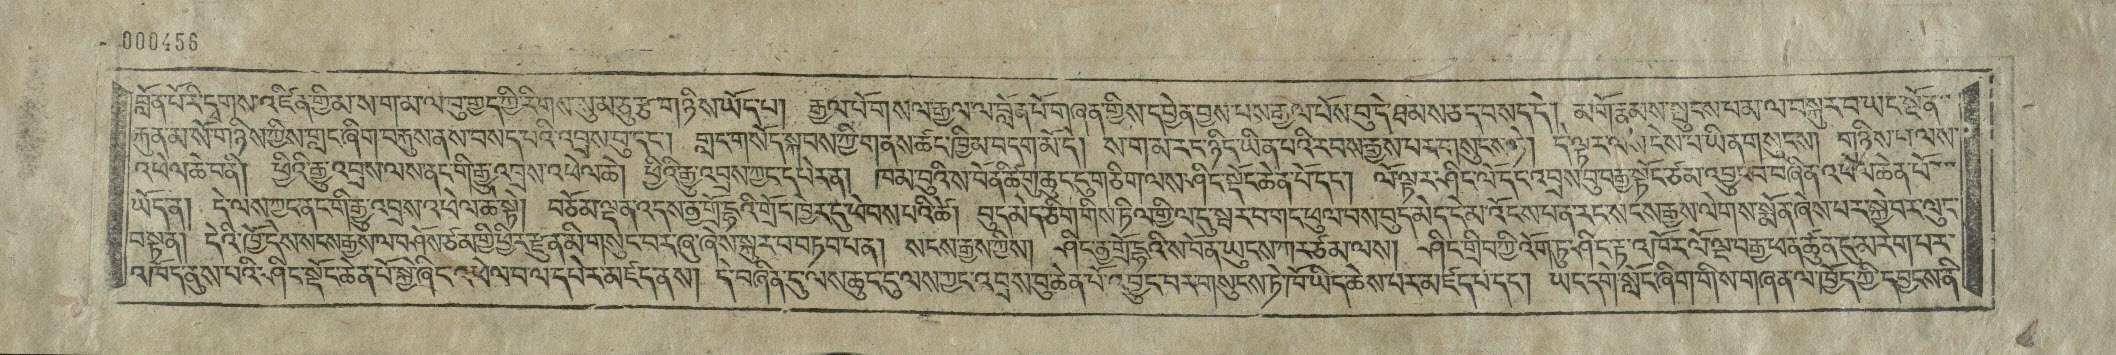བློན་པོ་རི་དྭགས་འཛིན་གྱི་མ་ས་ག་མ་ལ་བུ་གྱད་ཀྱི་རིགས་སུམ་ཅུ་རྩ་གཉིས་ཡོད་པ། རྒྱལ་པོ་གསལ་རྒྱལ་ལ་བློན་པོ་གཞན་གྱིས་དབྱེན་བྱས་པས་རྒྱལ་པོས་བུ་དེ་ཐམས་ཅད་བསད་དེ། མགོ་རྣམས་སྤུངས་པ་མ་ལ་བསྐུར་བ་ཡང་སྔོན་
རྐུན་མ་སོ་གཉིས་ཀྱིས་གླང་ཞིག་བརྐུས་ནས་བསད་པའི་འབྲས་བུ་དང་། གླང་གསོད་སྐབས་ཀྱི་གནས་ཚང་ཁྱིམ་བདག་མོ་དེ། ས་ག་མ་རང་ཉིད་ཡིན་པའི་རབས་རྒྱས་པར་གསུངས་ཏེ། དེ་ལྟར་ལས་ངེས་པ་ཡིན་གསུངས། གཉིས་པ་ལས་
འཕེལ་ཆེ་བ་ནི། ཕྱིའི་རྒྱུ་འབྲས་ལས་ནང་གི་རྒྱུ་འབྲས་འཕེལ་ཆེ། ཕྱིའི་རྒྱུ་འབྲས་ཀྱང་དཔེར་ན། ཁམ་བུའི་ས་བོན་ཚི་གུ་ཆུང་ངུ་གཅིག་ལས་ཤིང་སྡོང་ཆེན་པོ་དང་། ལོ་ལྟར་ཤིང་ལོ་དང་འབྲས་བུ་བརྒྱ་སྟོང་ཙམ་འབྱུང་བ་བཞིན་འཕེལ་ཆེན་པོ་
ཡོད་ན། དེ་ལས་ཀྱང་ནང་གི་རྒྱུ་འབྲས་འཕེལ་ཆེ་སྟེ། བཅོམ་ལྡན་འདས་ནྱ་གྲོ་དྷའི་གྲོང་ཁྱེར་དུ་ཕེབས་པའི་ཚེ། བུད་མེད་ཅིག་གིས་ཏིལ་གྱི་ལ་དུ་སྦར་བ་གང་ཕུལ་བས་བུད་མེད་དེ་མ་འོངས་པ་ན་རང་སངས་རྒྱས་ལེགས་སྨོན་ཞེས་པར་སྐྱེ་བར་ལུང་
བསྟན། དེའི་ཁྱོ་དེས་སངས་རྒྱས་ལ་བཤོས་ཙམ་གྱི་ཕྱིར་རྫུན་མི་གསུང་བར་ཞུ་ཞེས་སྐུར་བ་བཏབ་པ་ན། སངས་རྒྱས་ཀྱིས། ཤིང་ནྱ་གྲོ་དྷའི་ས་བོན་ཡུངས་ཀར་ཙམ་ལས། ཤིང་གྲིབ་ཀྱི་འོག་ཏུ་ཤིང་རྟ་འཁོར་ལོ་ལྔ་བརྒྱ་ཕན་ཚུན་དུ་མ་རེག་པར་
འཁོད་ནུས་པའི་ཤིང་སྡོང་ཆེན་པོ་སྐྱེ་ཞིང་འཕེལ་བ་ལ་དཔེར་མཛད་ནས། དེ་བཞིན་དུ་ལས་ཆུང་ངུ་ལས་ཀྱང་འབྲས་བུ་ཆེན་པོ་འབྱུང་བར་གསུངས་ཏེ་ཁོ་ཡིད་ཆེས་པར་མཛད་པ་དང་། ཡང་དགེ་སློང་ཞིག་གིས་གཞན་ལ་ཁྱོད་ཀྱི་དབྱངས་ནི་